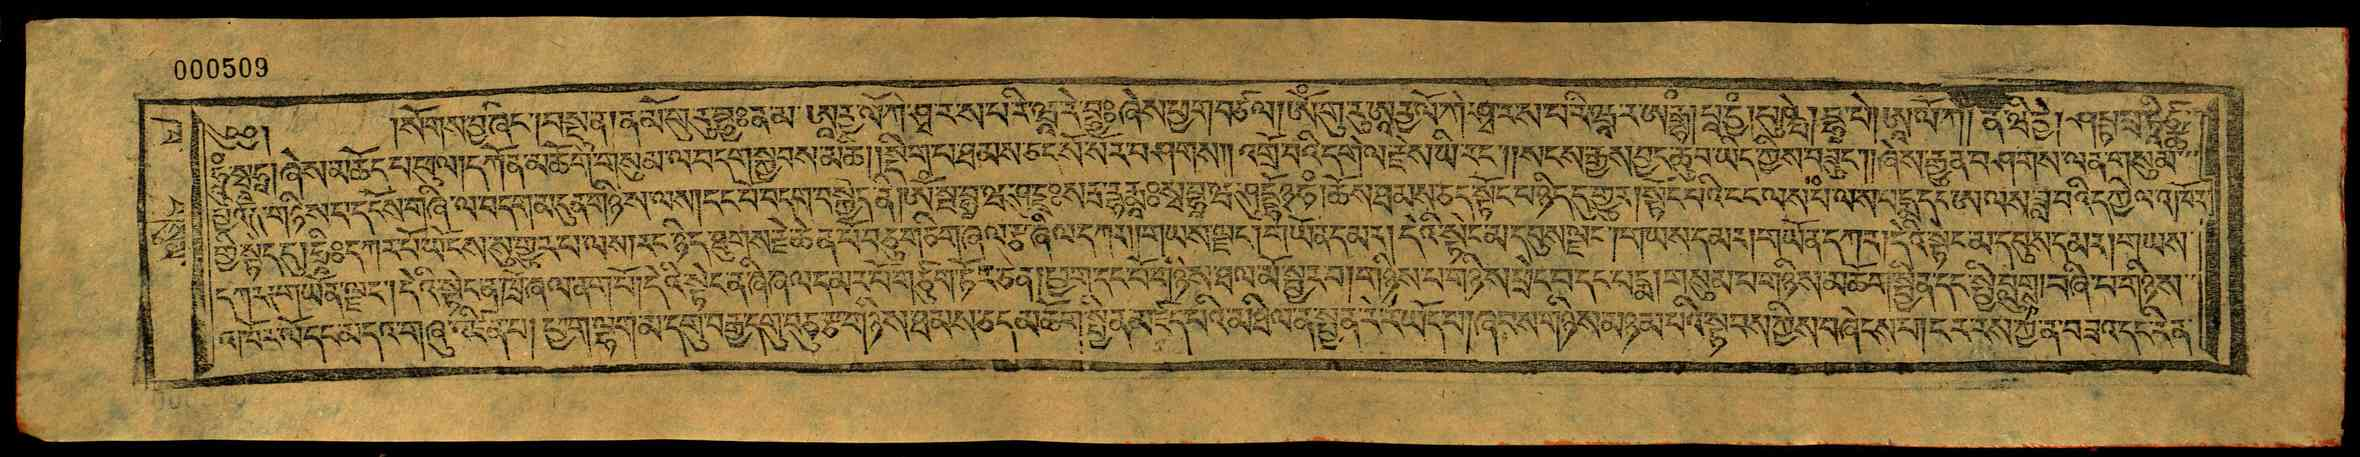༄༅། །སོགས་བྱ་ཞིང་། བསྡུ་ན། ན་མོ་གུ་རུ་བྷྱཿ ན་མ་ཨཱརྱ་ལོ་ཀེ་ཤྭ་ར་ས་པ་རི་ཝཱ་རེ་བདྱཿ ཞེས་ཕྱག་བཙལ། ཨོཾ་གུ་རུ་ཨཱདྱལོ་ཀེ་ཤྭ་ར་ས་པ་རི་ཝཱ་ད་ཨེརྒྷཾ། པཱ་བྱཾ། པུཥྤི། དྷཱུ་པེ། ཨཱ་ལོ་ཀེ། ནི་ཇི་དྱེ། ཤཔྟ་པྲ་ཏེ་
ཧཱུཾ་སྭཱ་ཧཱ། ཞེས་མཆོད་པ་ཕུལ། དཀོན་མཆོག་གསུམ་ལ་བདག་སྐྱབས་མཆི། །སྡིག་པ་ཐམས་ཅད་སོ་སོར་བཤགས། །འགྲོ་བའི་ངག་ལ་རྗེས་ཡི་རང་། །སངས་རྒྱས་བྱང་ཆུབ་ཡིད་ཀྱིས་བཟུང་། །ཞེས་རྒྱུན་བཤགས་ལན་གསུམ་
བྱའི༑ ༑གཉིས་པ་དངོས་གཞི་ལ་བདག་མདུན་གཉིས་ལས། དང་པོ་བདག་བསྐྱེད་ནི། ཨོཾ་སྭ་བྷཱ་ཝ་ཤུ་དྡྷཿ སརྦ་དྷརྨཱཿ སྭ་བྷཱ་ཝ་ཤུདྡྷོཉ་ཧཾ། ཆོས་ཐམས་ཅད་སྟོང་པ་ཉིད་དུ་གྱུར། སྟོང་པའི་དང་ལས་པཾ་ལས་པདམ་དང་ཨ་ལས་ཟླ་བའི་དཀྱིལ་འཁོར་
གྱི་སྟེང་དུ་ཧྲཱིཿ དཀར་པོ་ཡོངས་སུ་གྱུར་པ་ལས། རང་ཉིད་ཐུགས་རྗེ་ཆེན་པོ་བཅུ་གཅིག་ཞལ་རྩ་ཞལ་དཀར། གཡས་ལྗང་། གཡོན་དམར། དེའི་སྟེང་མ་དབུས་ལྗང་། གཡས་དམར། གཡོན་དཀར། དེའི་སྟེང་མ་དབུས་དམར། གཡས་
དཀར༑ གཡོན་ལྗང་། དེའི་སྟེང་ན་ཁྲོ་ཞལ་ནག་པོ། དེའི་སྟེང་ན་ཞི་ཞལ་དམར་པོ་གཙུག་ཏོར་ཅན། ཕྱག་དང་པོ་གཉིས་ཐལ་མོ་སྦྱར་བ། གཉིས་པ་གཉིས་ཕྲེང་བ་དང་པདམ། གསུམ་པ་གཉིས་མཆོག་སྦྱིན་དང་སྤྱི་བླུགས། བཞི་པ་གཉིས་
འཁོར་ལོ་དང་མདའ་གཞུ་འཛིན་པ། ཕྱག་ལྷག་མ་དགུ་བརྒྱ་དང་དགུ་བཅུ་རྩ་གཉིས་ཐམས་ཅད་མཆོག་སྦྱིན་མཛད་པའི་མཐིལ་ན་སྤྱན་རེ་རེ་ཡོད་པ། ཞབས་གཉིས་མཉམ་པའི་སྟབས་ཀྱིས་བཞེངས་པ། དར་རས་ཀྱི་ན་བཟའ་དང་རིན་